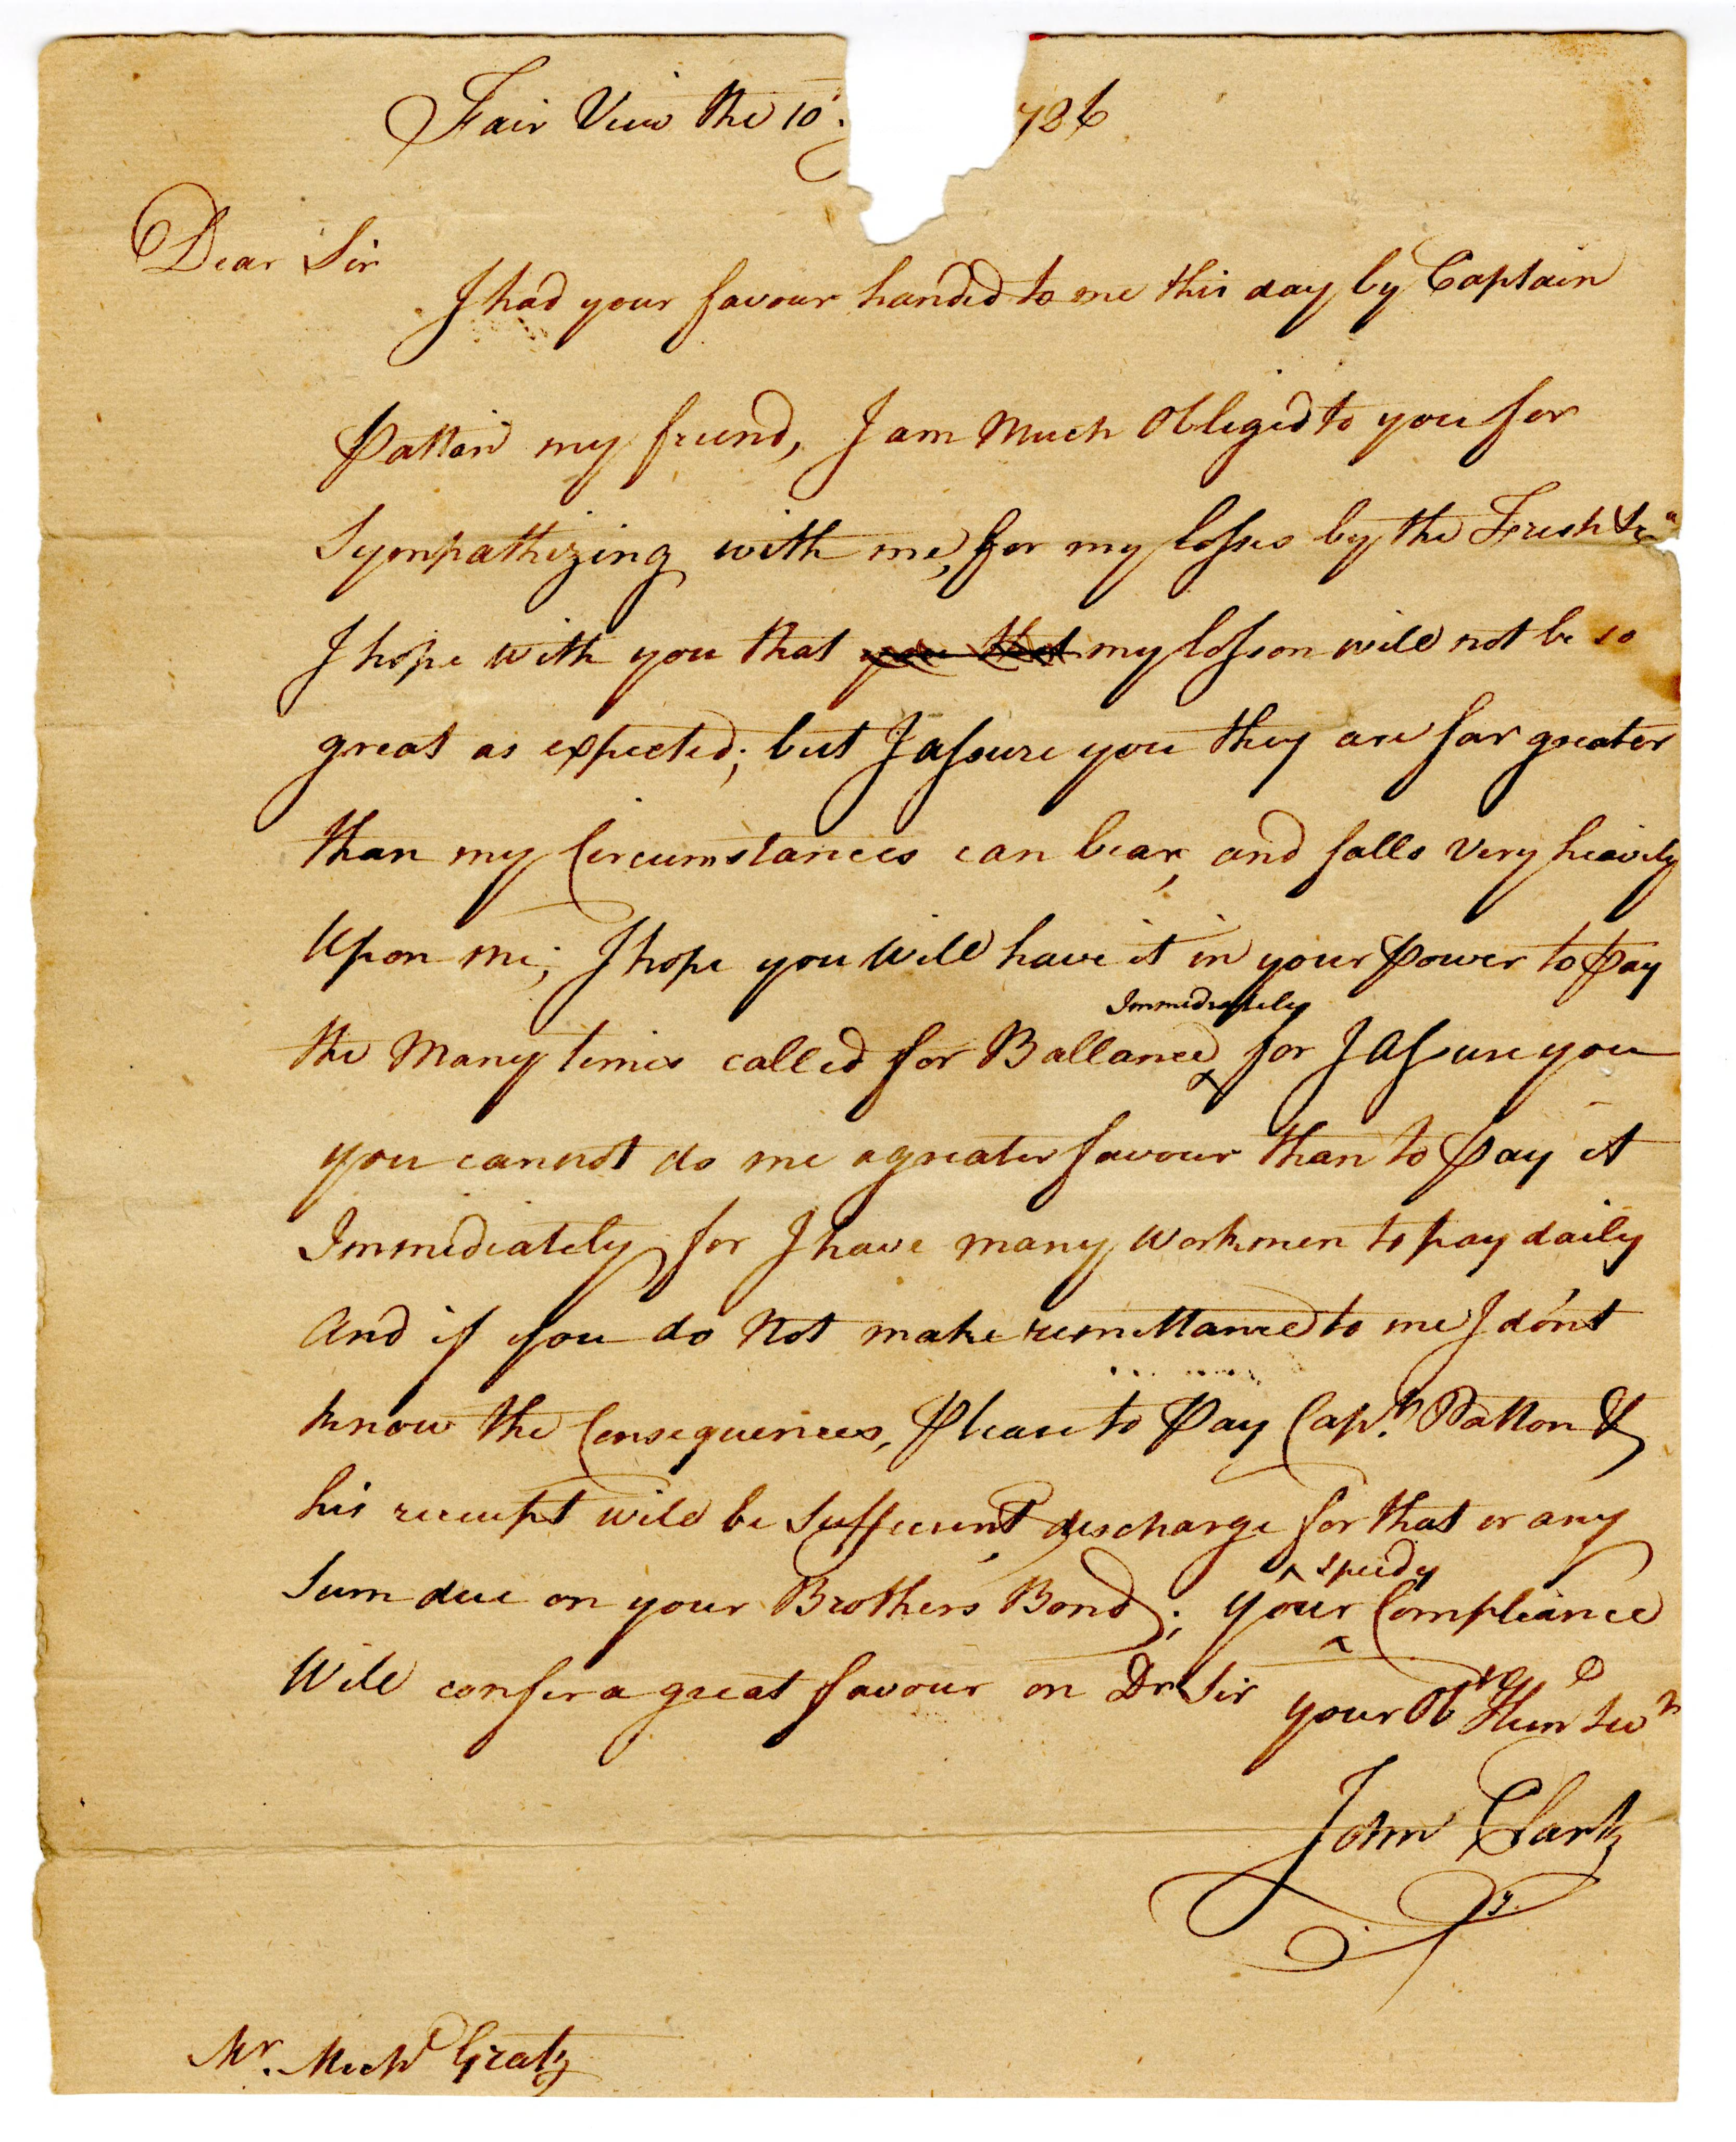Fair View the 10
786
Dear Sir
I had your favour handed to me this day by Captain
Patton my friend, I am much obliged to you for
Sympathizing, with me for my losses by the Fush &c
I hope with you that [you] [that] my losson will not be so
great as expected, but I assure you they are far greater
than my Circumstances can bear and falls very heavily
upon me, I hope you will have it in your Power to pay
Immediately
the Many times called for Ballance ^ for I asure you
you cannot do me a greater favour than to pay it
Immediately for I have many workmen to pay daily
And if you do not make remittance to me I dont
know the Consequences Please to Pay Cap^t Patton &
his receipt will be Sufficient Discharge for that or any
Speedy
Sum due on your Brothers Bond. Your ^ Compliance
Will confer a great favour on D^r Sir
your Ob^t Hum ser^t
John Clark
M^r Mich^l Gratz